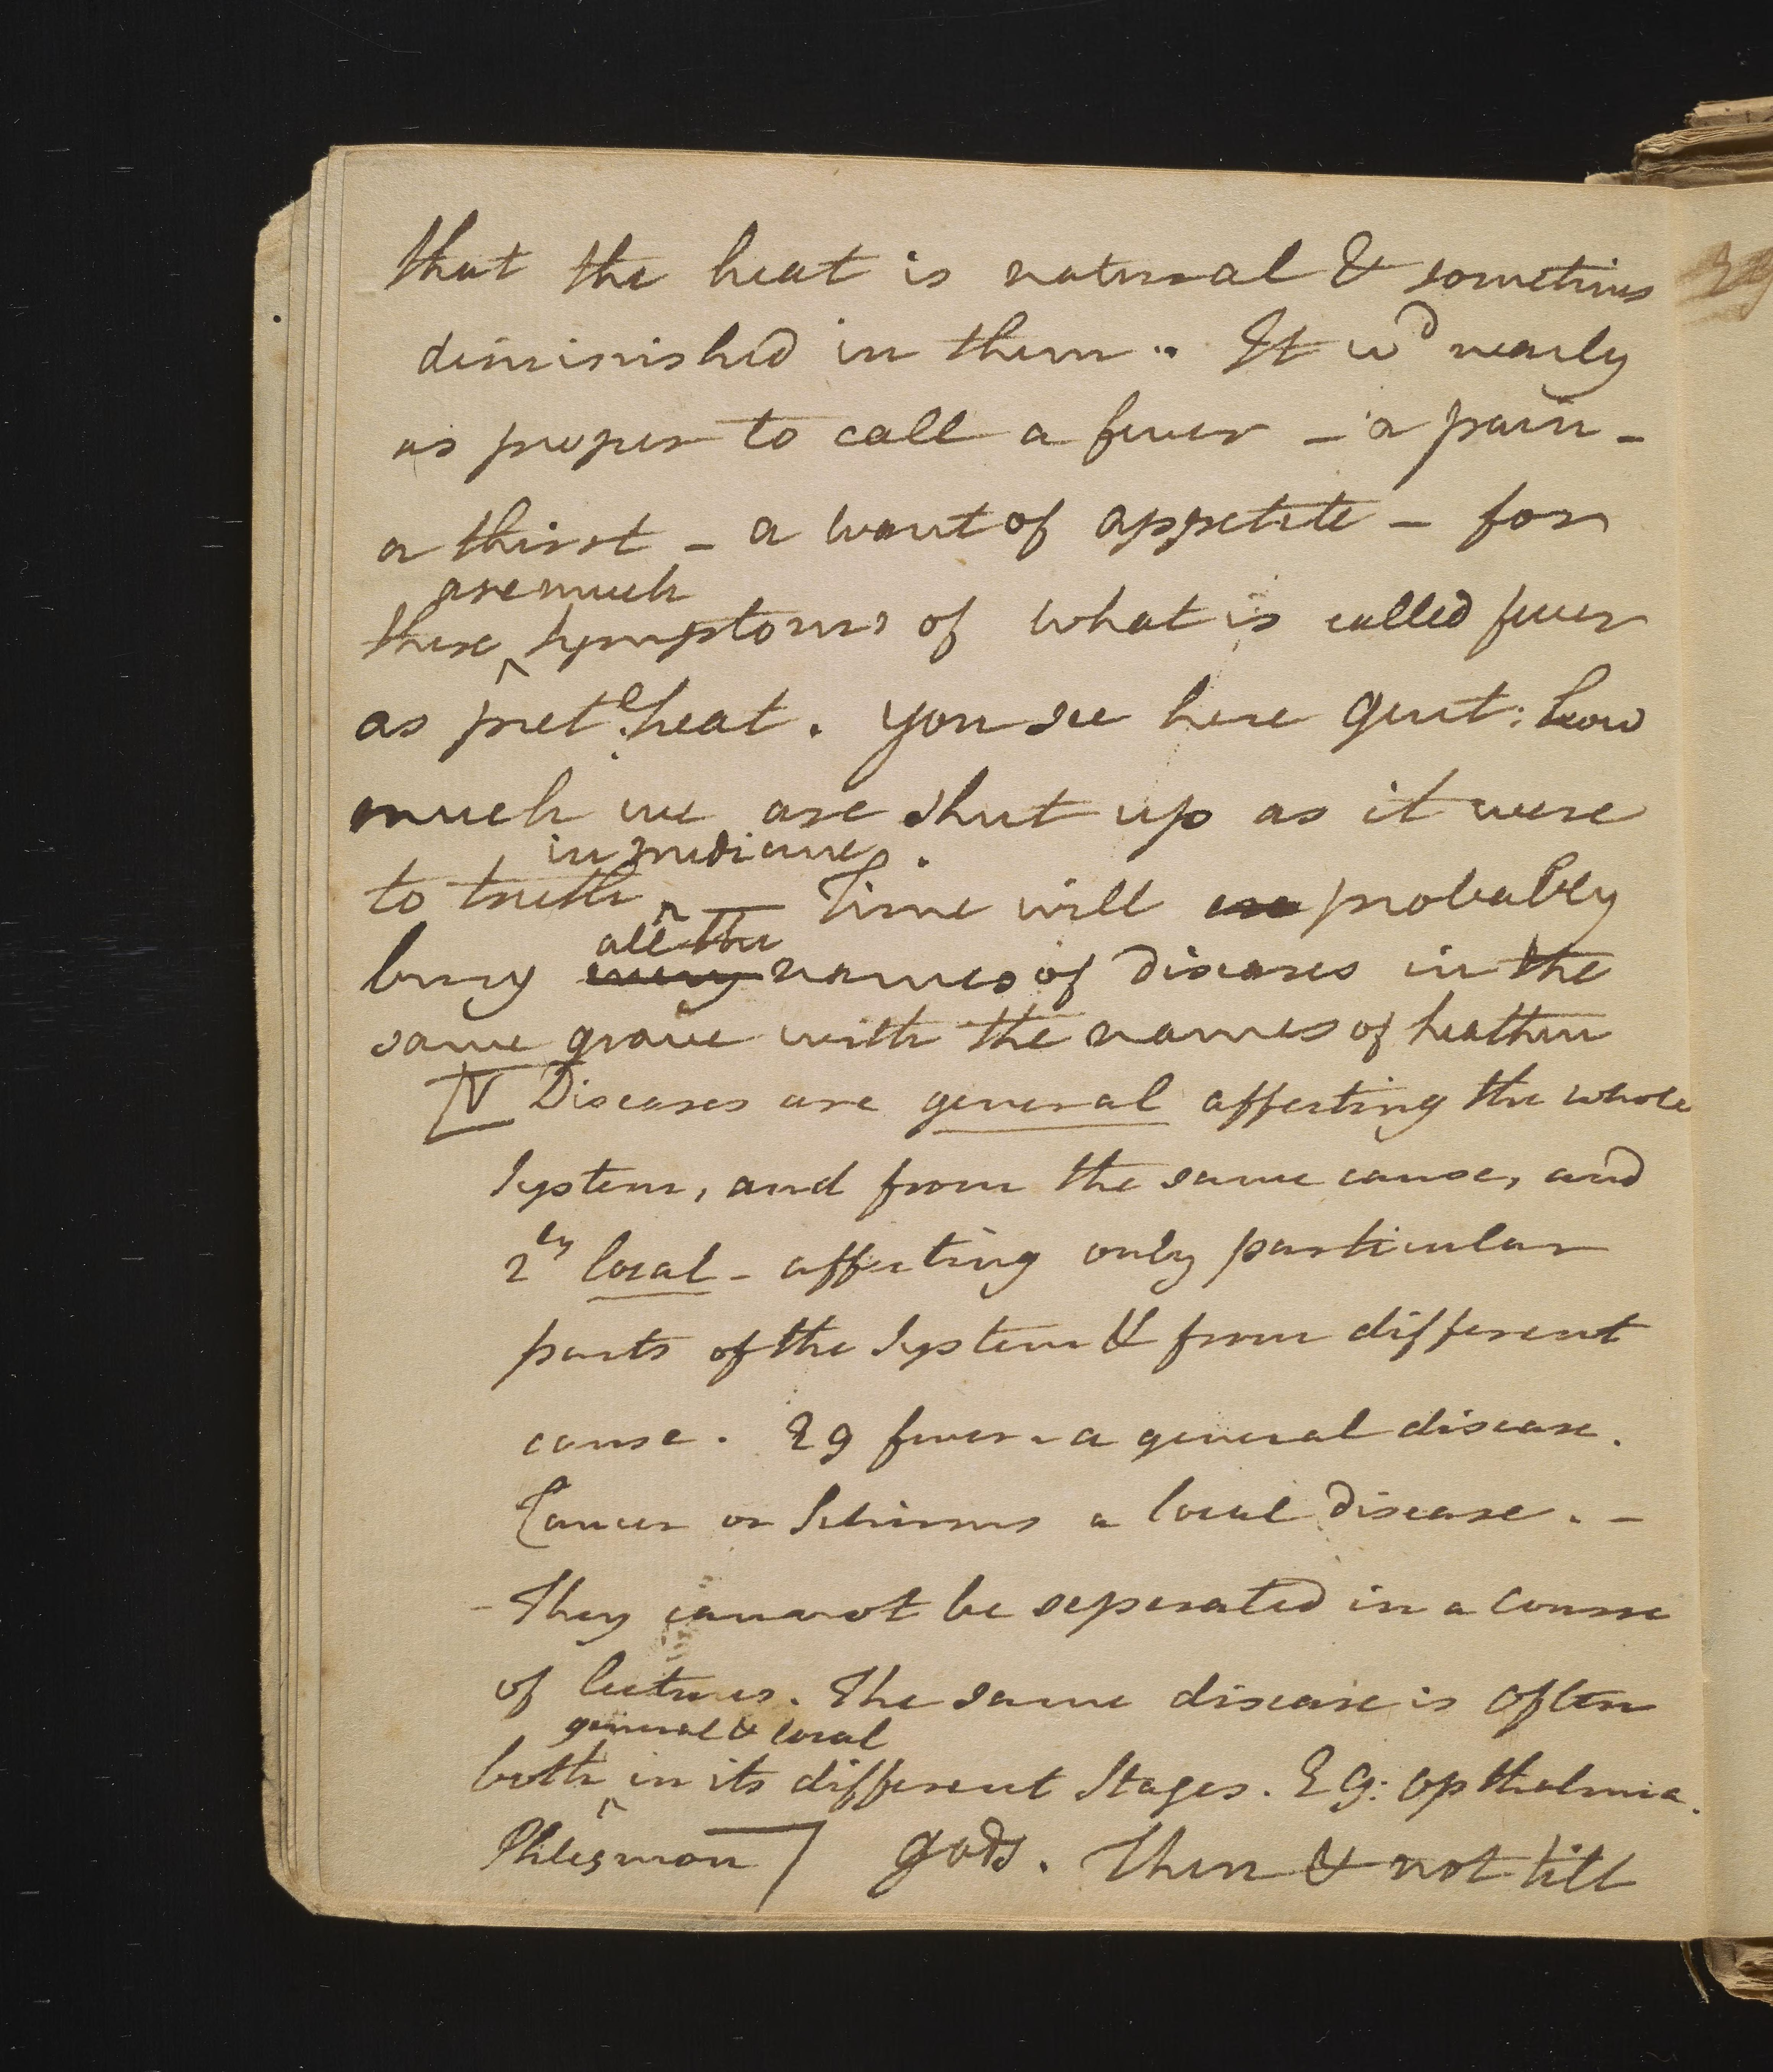that the heat is natural & sometimes
diminished in them. It w^d nearly
as proper to call a fever- a pain-
a thirst- a want of appetite- for
are much
there ^ symptoms of what is called fever
as pret^e heat. You see here just how
much we are shut up as it were
to truth ^ all the Time will [m] probably
in medicine
bury [many] names of diseases in the
all the
same grave with the names of heathens.
(V Diseases are general affecting the whole
system, and from the same cause, and
2^ly local, affecting only particular
parts of the system & from different
cause. E.g. fever, a general disease
Cancer or schisms a local disease.
They cannot be separated in a course
of lectures. The same disease is often
general & local
both ^ in its different stages. E.g. opthalmia
Phligman gots. then & not till